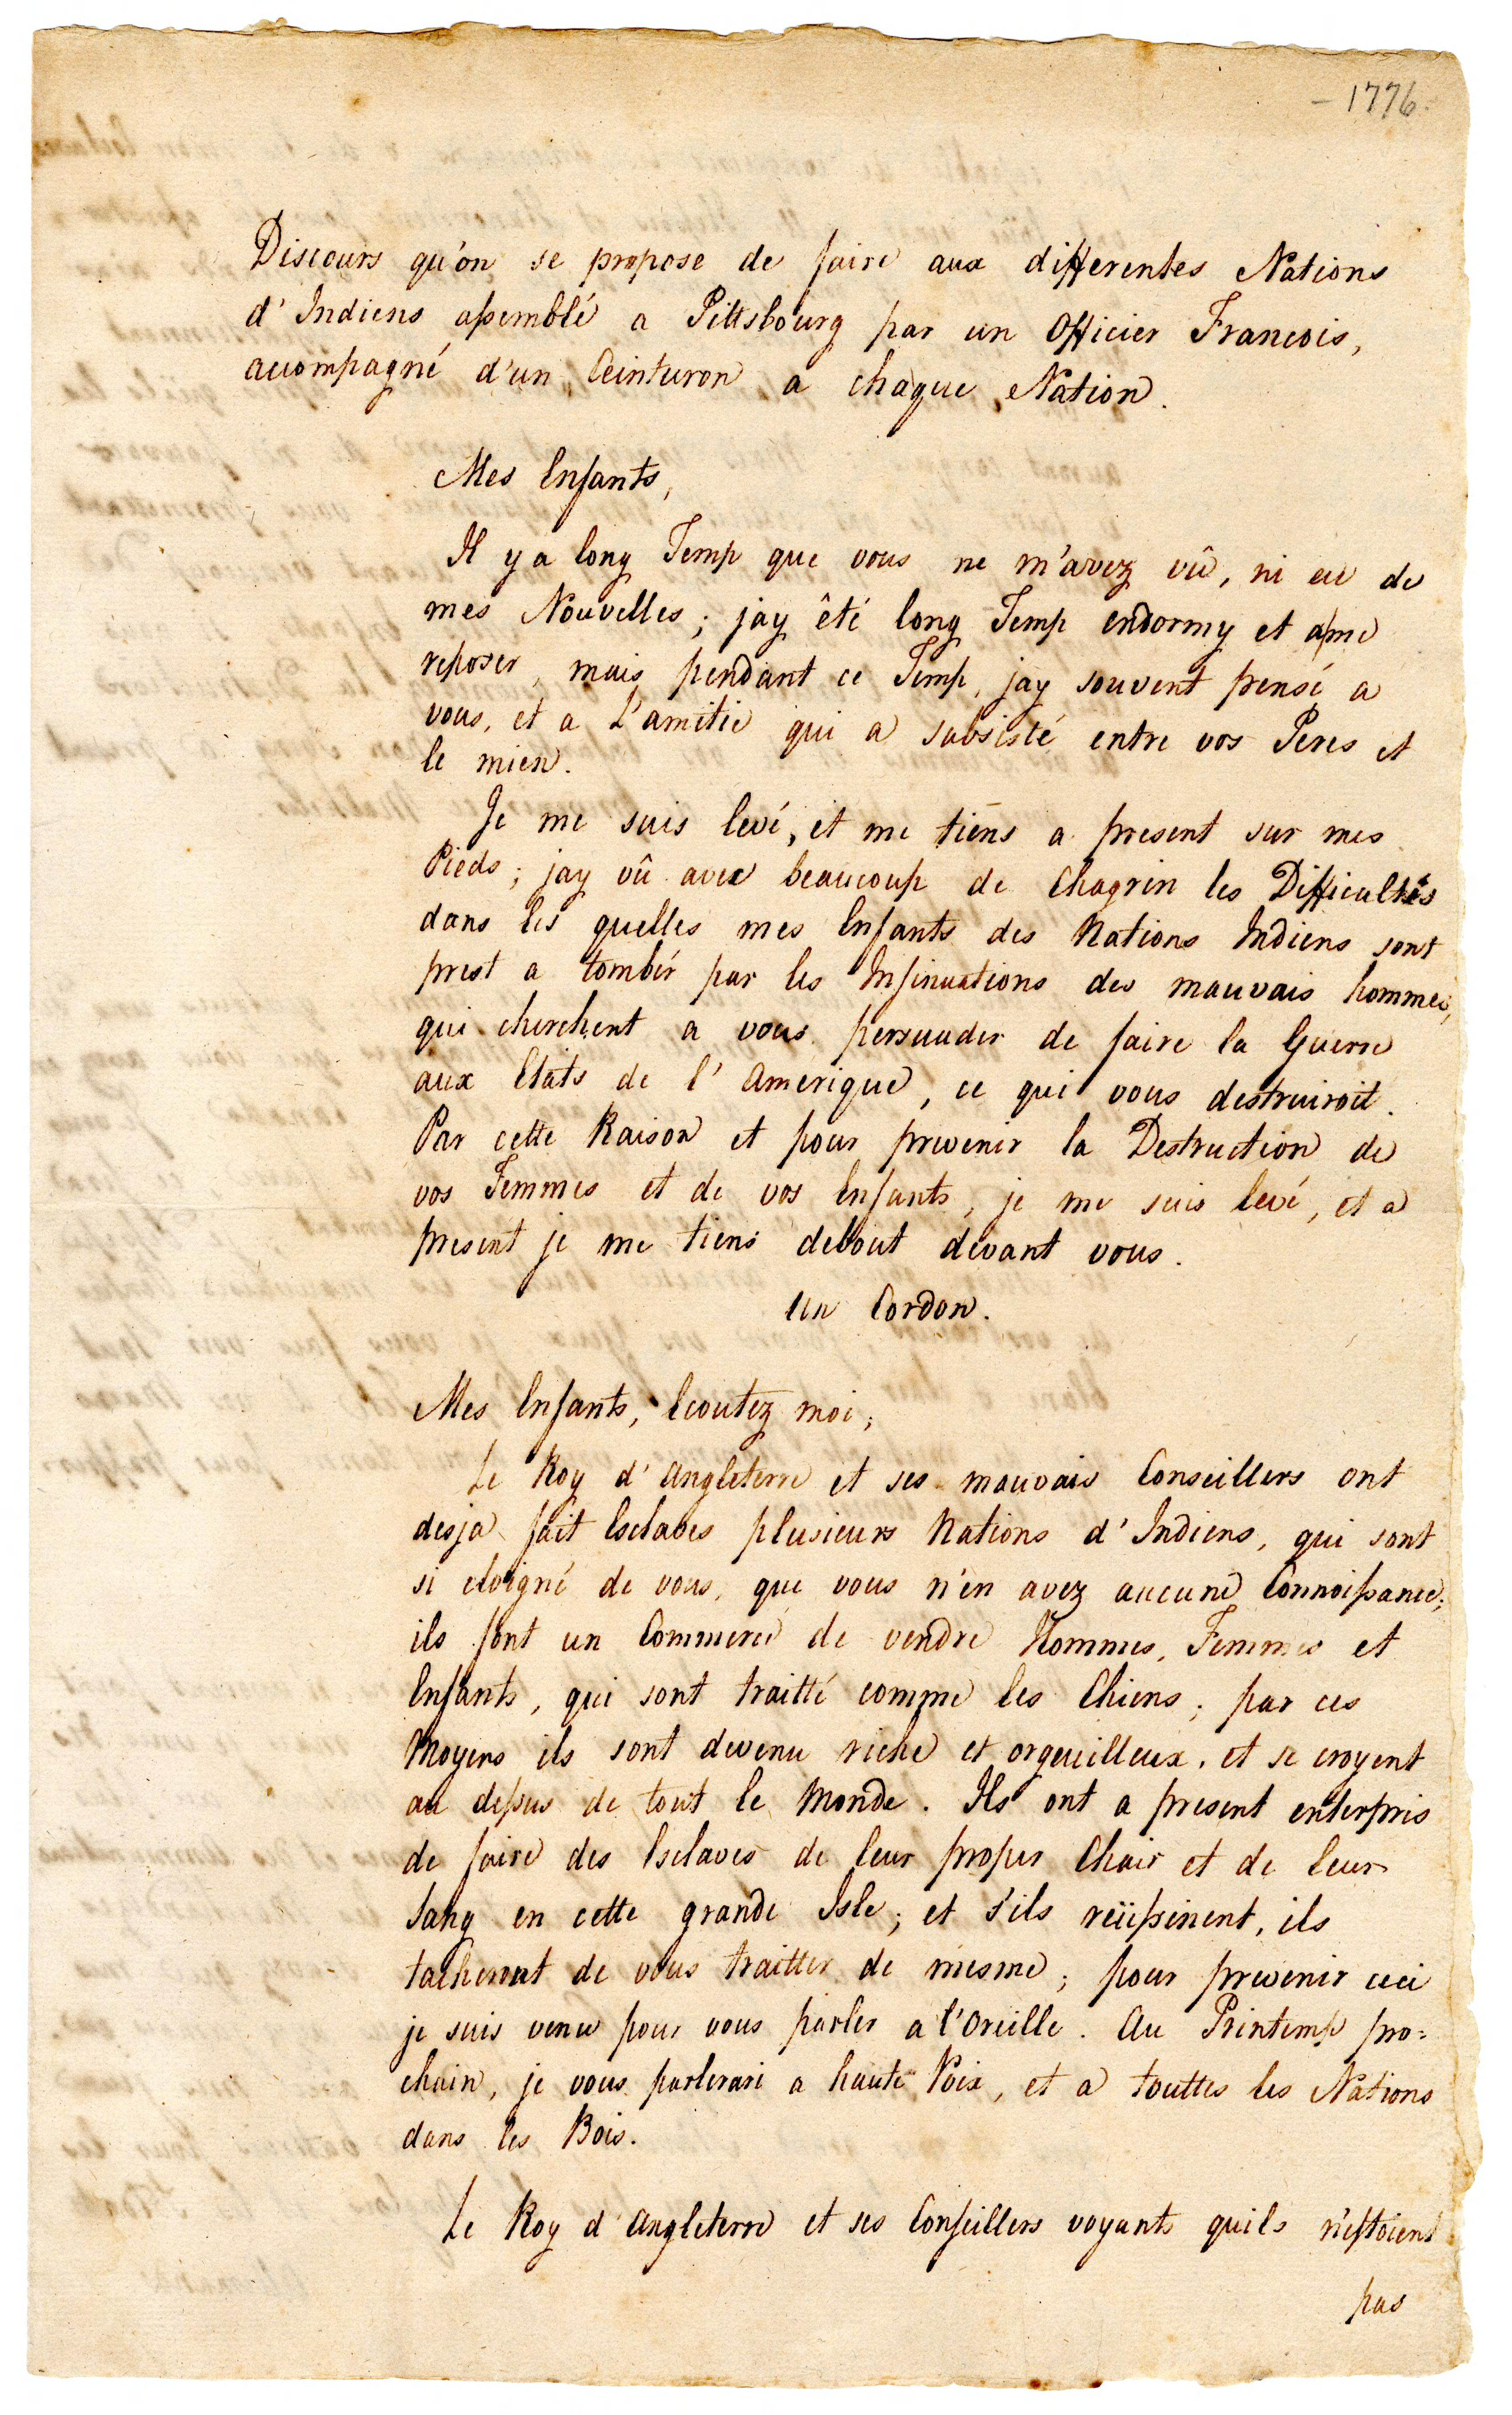Discours qu'on se propose de faire aux differentes Nations
d'Indiens assemblé a Pittsbourg par un Officier Francois,
accompagné d'un Ceinturon a chaque Nation.
Mes Enfants
Il y a long Temp que vous ne m'avez vû, ni eu du
mes Nouvelles; jay êté long Temp endormy et ame
reposer, mais pendant ce Temp, jay souvent pensé a
vous, et a L'amitie qui a subsisté entre vos Peres et
le mien.
Je me suis levé, et me tiens a present sur mes
Pieds; jay vû avec beaucoup de Chagrin les Difficultés
dans les quelles mes Enfants des Nations Indiens sont
prest a tombér par les Insinuations des mauvais hommes,
qui cherchent a vous persuader de faire la Guerre
aux Etats de l'Amerique, ce qui vous destruiroit.
Par cette Raison et pour prevenir la Destruction de
vos Femmes et de vos Enfants, je me suis levé, et a
present je me tiens debout devant vous
Un Cordon.
Mes Enfants, Ecoutez moi;
Le Roy d'Angleterre et ses mauvais Conseillers ont
desja fait Esclaves plusieurs Nations d'Indiens, qui sont
si cloigné de vous que vous n'en avez aucune Connoissance.
ils sont un Commerce de vendre Hommes, Femmes et
Enfants qui sont traitté comme les Chiens; par ces
Moyens ils sont devenus riche et orgeuilleux, et se croyent
au dessus de tout le Monde. Ils ont a present enternis
de faire des Esclaves de leur proper Chair et de leur
Sang en cette grande Isle; et sils reüssenent, ils
tacheront vous traitter de mesme; pour prevenir ceci
je suis venu pour vous parler a l'Oreille. Au Printemp pro-
chain, je vous parlerari a haute Voix, et a touttes les Nations
dans les Bois.
Le Roy d'Angleterre et ses Conseillers voyants quils n'estoiens
pas